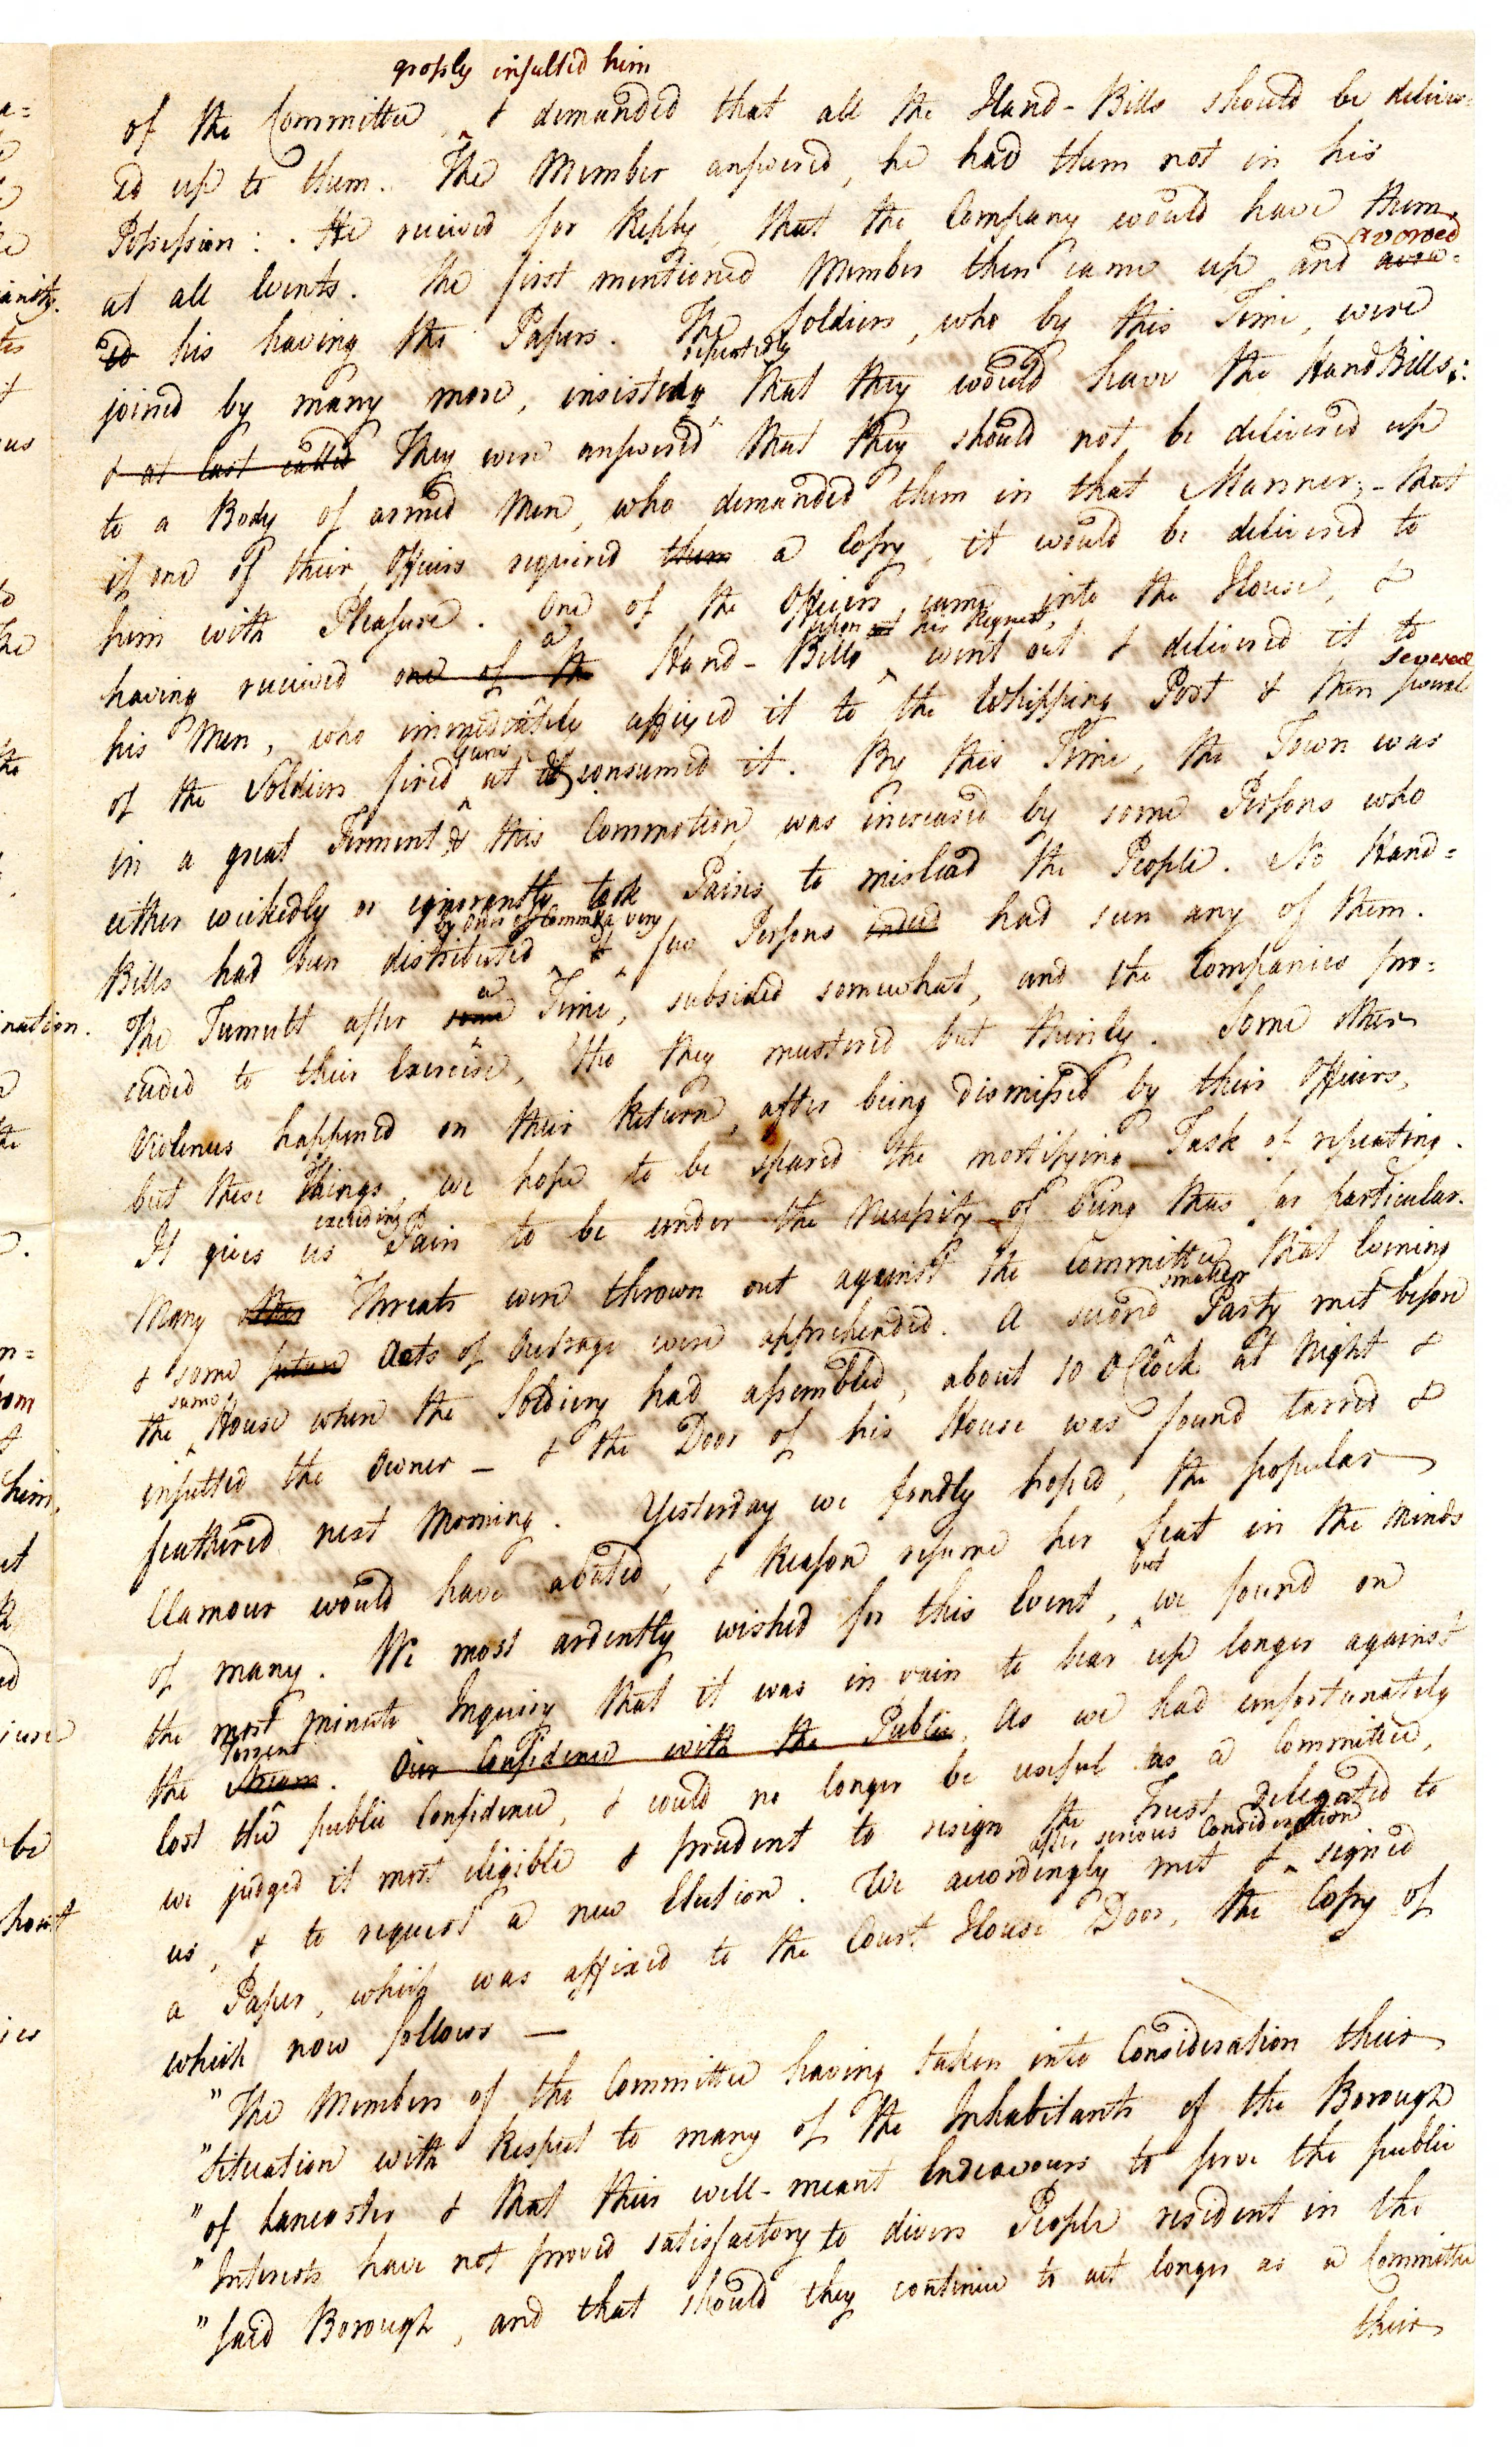grossly insulted him
of the Committee ^ & demanded that all the Hand-Bills should be deliver-
-ed up to them. The Member answered he had them not in his
Possession: He received for Reply that the Company would have them
vowed
at all Events. The first mentioned Member then came up, and ^ avow-
-ed his having the Papers. The Soldiers, who by this Time were
repeatedly
joined by many more, insisted that they would have the Hand Bills:
[& at last called] They were answered that they should not be delivered up
to a Body of armed Men who demanded them in that Manner; That
if one of their Officers required them a Copy, it would be delivered to
him with Pleasure. One of the Officers came into the House, &
whom at his request
having received one of the ^ Hand- Bills ^ went out & delivered it to
severe
his men, who immediately applied it to the Whippers Post & then several
Guns
of the Soldiers fired ^ at & consumed it. By this Time, the Town was
in a great Ferment & this Commotion was increased by some Persons who
either wickedly or ignorantly took Pains to mislead the People. No Hand-
By one of Comm & a very
Bills had been distributed ^ & ^ few Persons indeed had seen any of them.
a
The Tumult after some ^ Time, subsided somewhat and the Companies pro-
-ceeded to their Exercise, 'tho they mustered but thinly. Some other
Violences happened on their Return after being dismissed by their Officers
but these things, we hope to be spared the mortifying Task of repeating.
exceeding
It gives us ^ Pain to be under the Necessity of being thus so particular
melllg
Many other threats were thrown out against the Committee that Evening
& some future Acts of Outrage were apprehended. A second ^ Party met before
same
the ^ House when the Soldiery had assembled, about 10 OClock at night &
insulted the owner, & the Door of his House was found tarred &
feathered next Morning. Yesterday we fondly hoped the popular
but
Clamour would have abated, & Reason resume her seat in the Minds
of many. We most ardently wished for this event, ^ we found on
the most minute Inquiry that it was in vain to bear up longer against
Torment
the [Stream]. [Our Confidence with the Public], As we had unfortunately
lost the public Confidence, & could no longer be useful as a Committee,
after serious consideration
we judged it most eligible & prudent to resign the Trust delegated to
us & to request a new Elusion. We accordingly met & ^ signed
a Paper, which was affixed to the Court House Door, the Copy of
which now follows –
The Members of the Committee having taken into Consideration their
"Situation with Respect to many of the Inhabitants of the Borough
"of Lancaster & that their well-meant Endeavours to serve the public
"Interests have not proved satisfactory to divers People resident in the
"said Borough, and that should they continue to act longer as a Committee
their